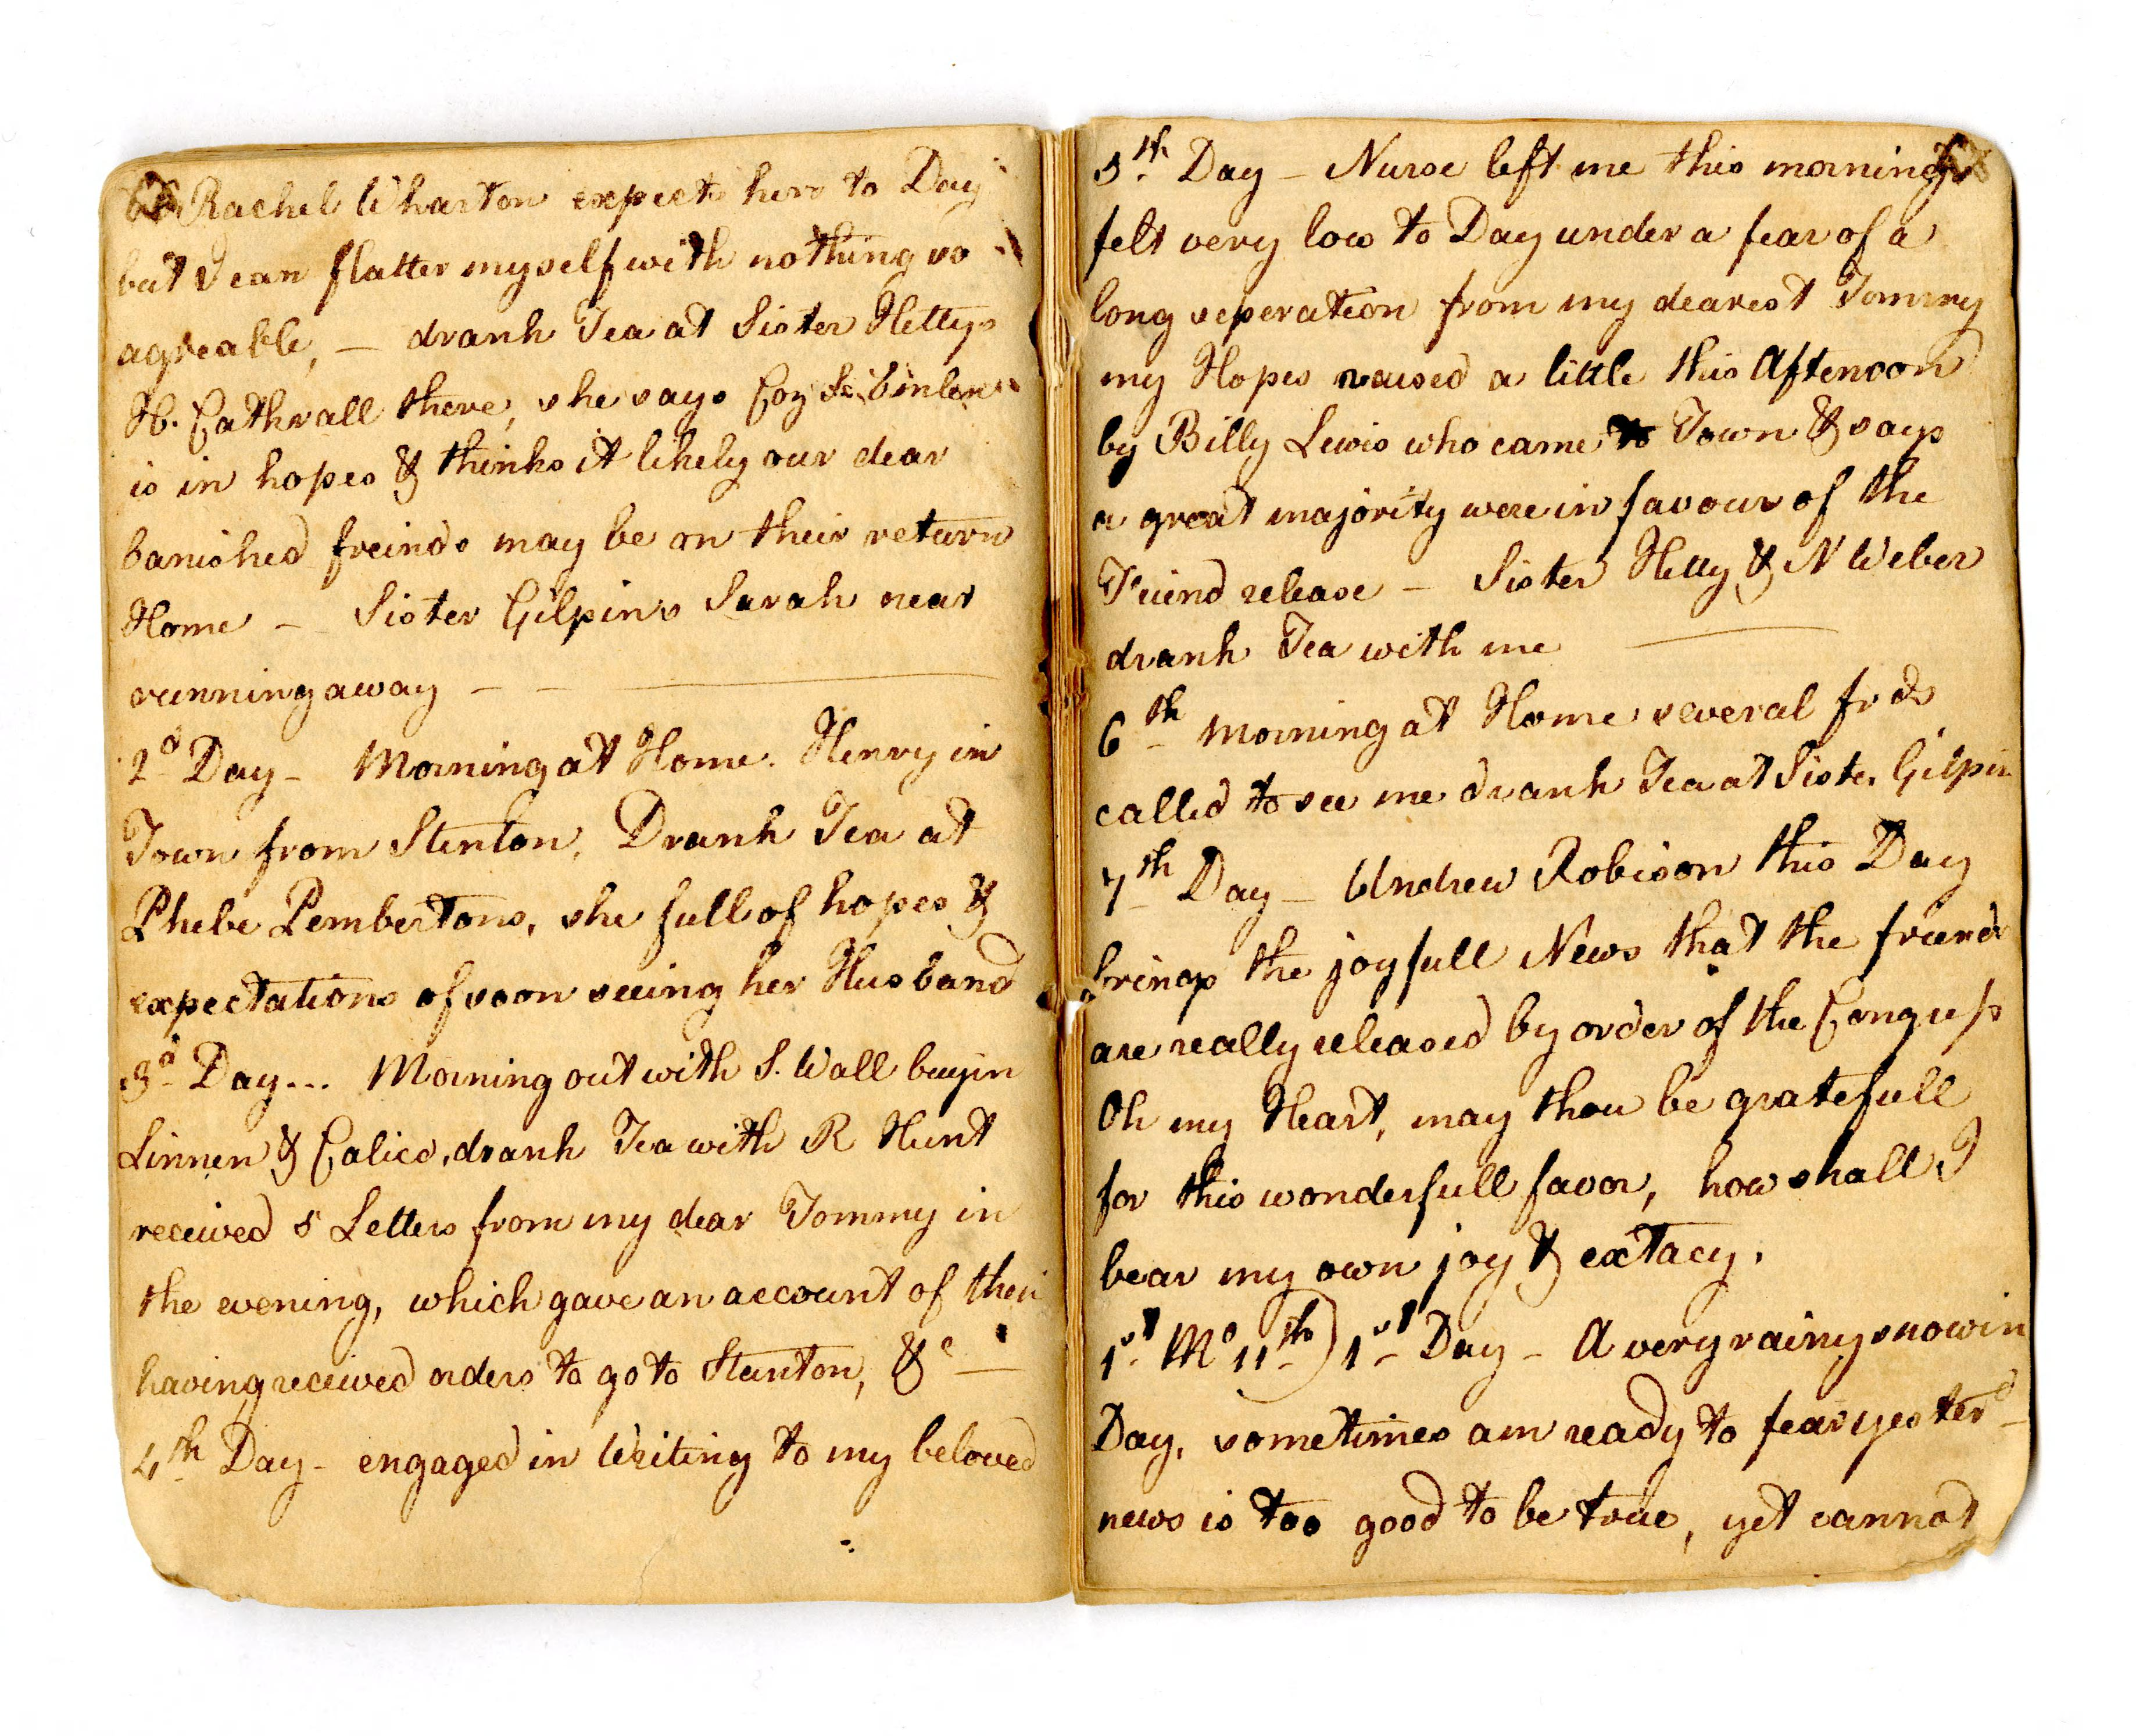66 Rachel Wharton expects hers to Day
but I can flatter myself with nothing so
agreable- drank Tea at Sister Hettys
H. Cathrall there, she says Coz S Emlen
is in hopes & thinks it likely our dear
banished freinds may be on their return
Home- Sister Gilpins Sarah near
running away-
2^d Day- Morning at Home. Henry in
Town from Stenton, Drank Tea at
Phebe Pembertons, she full of hopes &
expectations of soon seeing her Husband
3^d. Day... Morning out with S. Wall buyin
Linnen & Calico, drank Tea with R Hunt
received 5 Letters from my dear Tommy in
the evening, which gave an account of their
having received orders to go to Stanton, &^c-
4^th Day- engaged in Writing to my beloved
5^th Day- Nurse left me this morning 67
felt very low to Day under a fear of a
long seperation from my dearest Tommy
my Hopes raised a little this Aftenoon
by Billy Lewis who came to Town & says
a great majority were in favour of the
Friend release- Sister Hetty & N Weber
drank Tea with me
6^th Morning at Home several frds
called to see me drank Tea at Sister Gilpin
7^th Day- Andrew Robison this Day
brings the joyfull News that the friend
are really released by order of the Congress
Oh my Heart, may thou be gratefull
for this wonderfull favor, how shall I
bear my own joy & extacy,
1^st M^o 11^th) 1^st Day- A very rainy snow in
Day, sometimes am ready to fear yester^d-
news is too good to be true, yet cannot